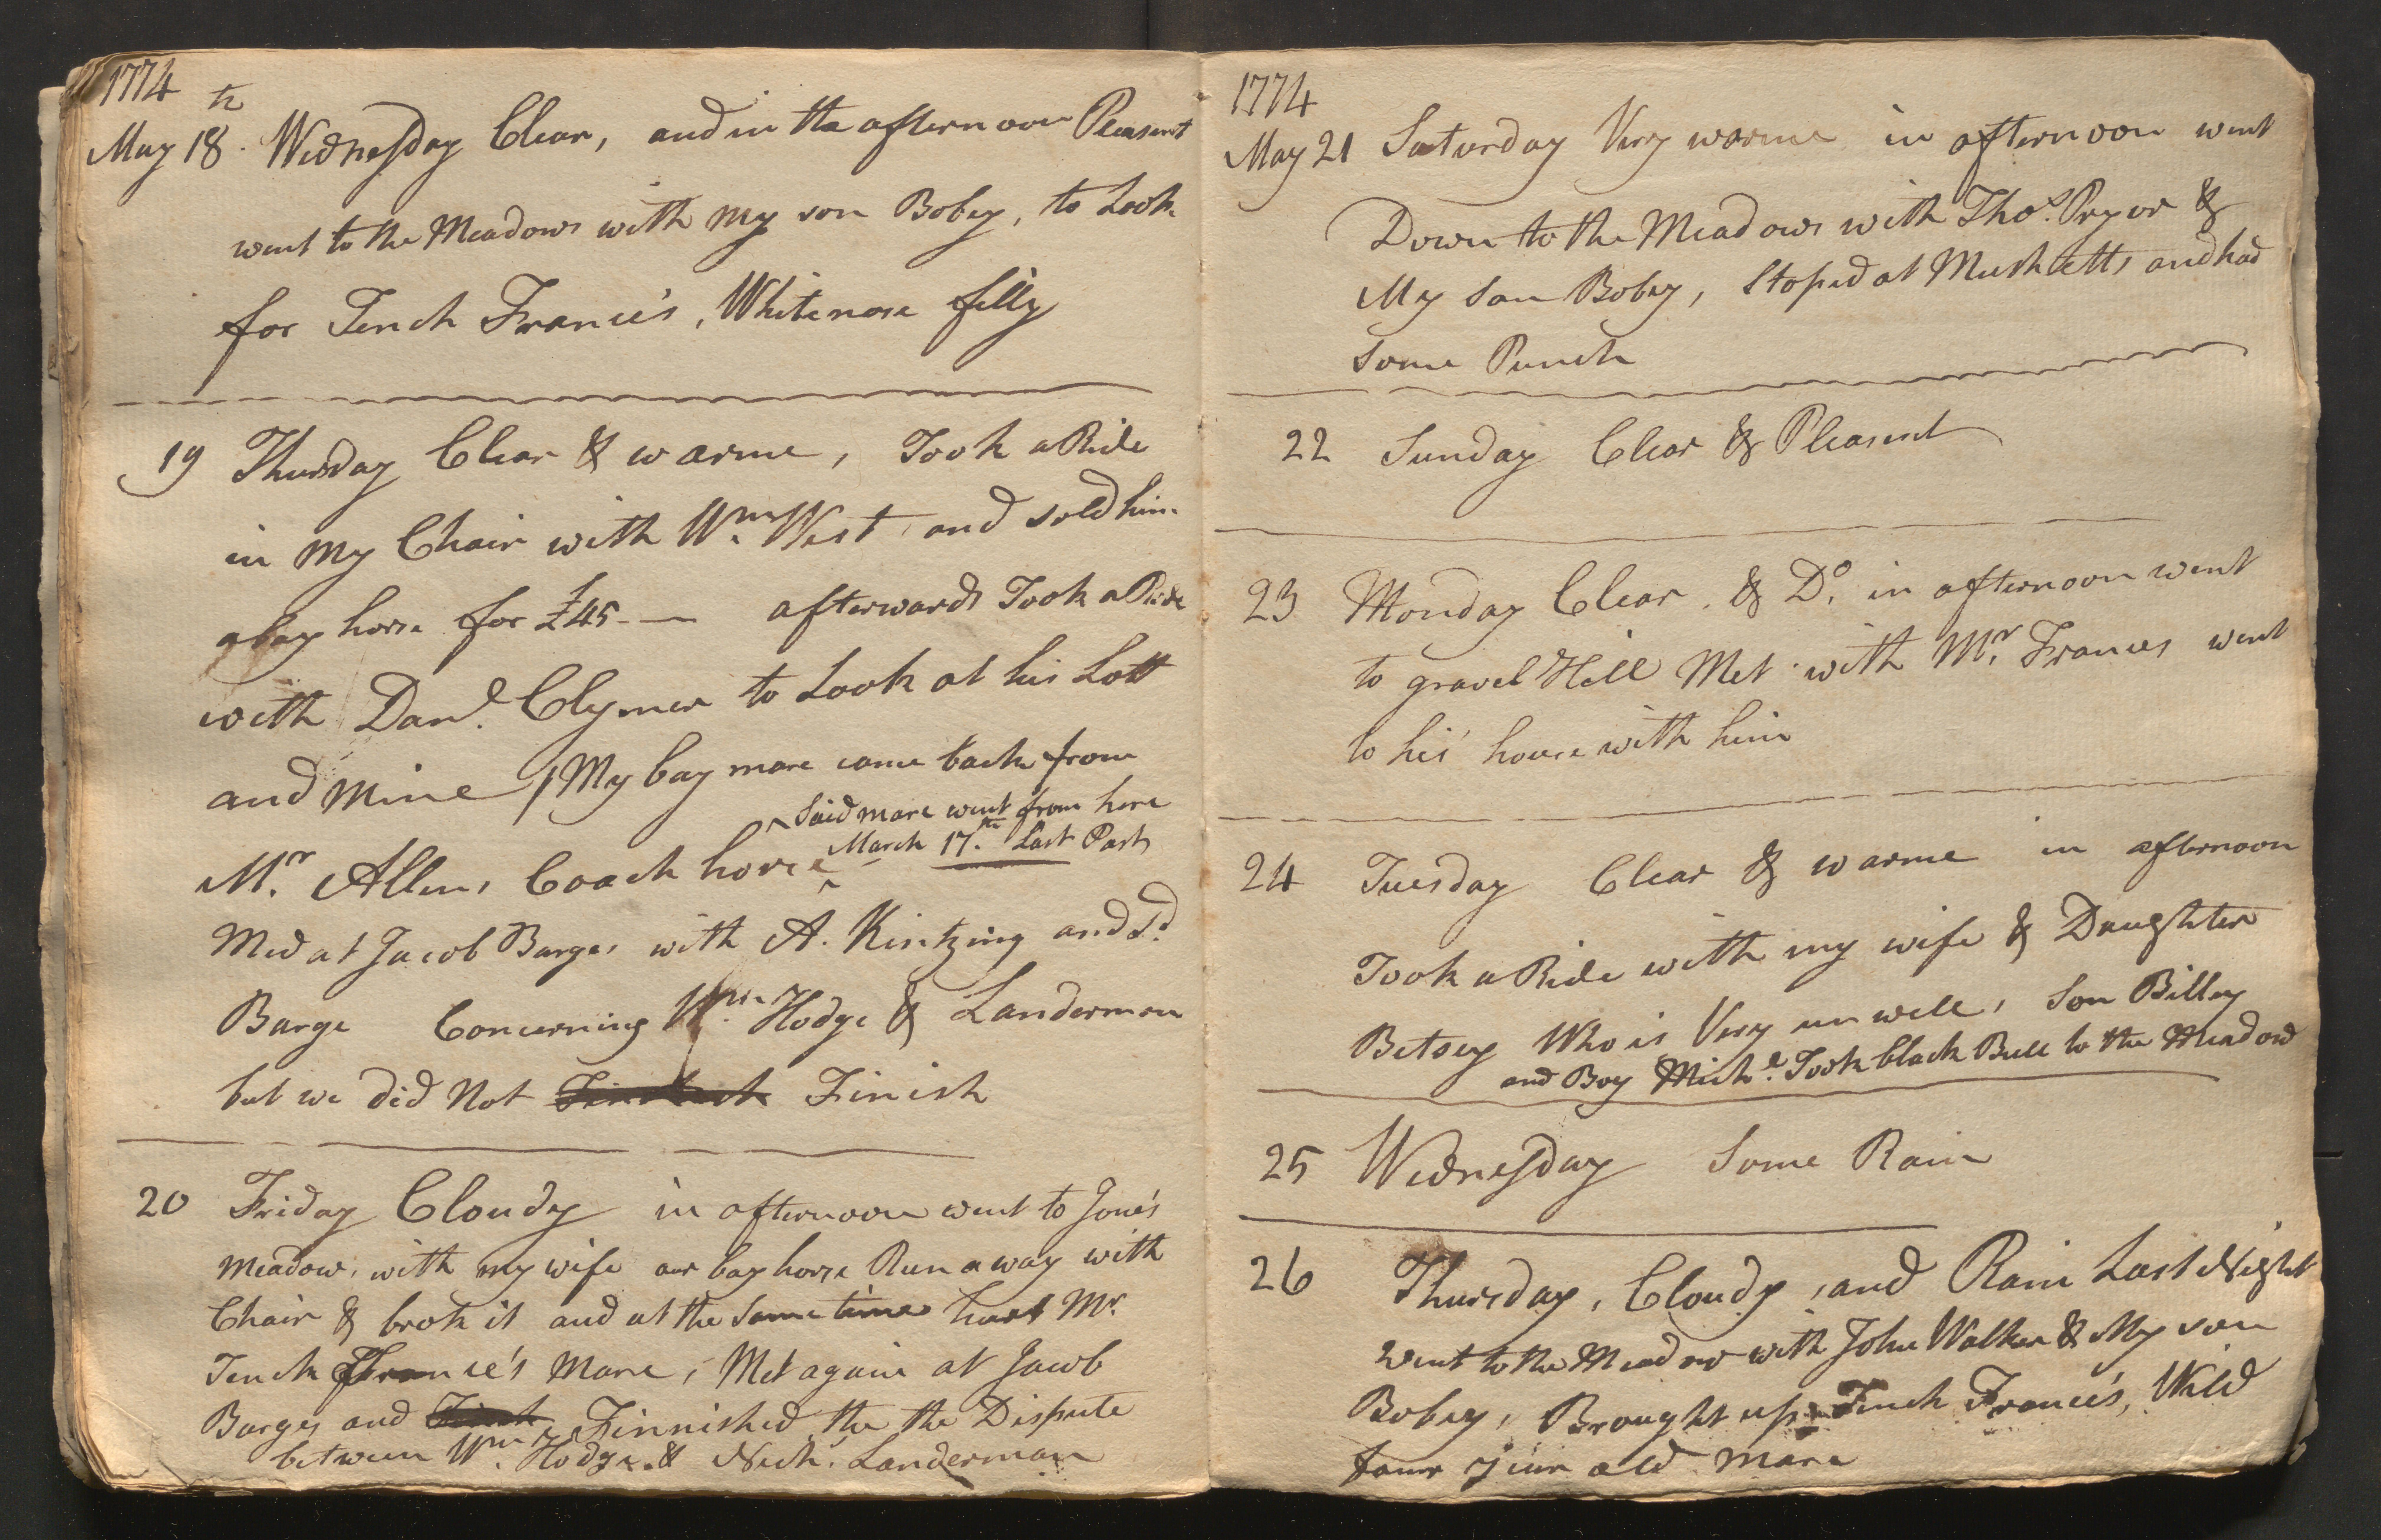1774
May 18^th. Wednesday Clear, and in the afternoon Pleasent
went to the Meadows with my son Bobey, to Look
for Tench France's, Whitenose filly
19 Thurday Clear & warme, Took a Ride
in My Chair with W^m. Wist, and sold him
a bay horse for £45.- afterwards Took a Ride
with, Dan^l. Clymer to Look at his Lott
and Mine, My bay mare came back from
Said mare went from here
March 17^th. Last Past
M^r. Allens Coach horse ^
Med at Jacob Barges with A. Kinitzing and s^d.
Barge Concerning W^m. Hodge & Landerman
but we did Not [_______] Finish
20 Friday Cloudy in afternoon went to Jone's
Meadow, with my wife our bay horse Run a way with
Chair & brok it and at the some time hurt M^r.
Tench France's Mare, Met again at Jacob
Barges and [_____], Finnished the the Dispute
between W^m. Hodge & Nech Landerman
May 21 Saturday Very warme, in afternoon went
1774
Down to the Meadows with Tho^s. Pryor &
My son Bobey, Stoped at Mushetts and had
some Punch
22 Sunday Clear & Pleasent
23 Monday Clear, & D^o. in afternoon went
to gravel Hill Met. with M^r. Frances went
to his houre with him
24 Tuesday, Clear & warme
in afternoon
Took a Ride with my wife & Daughter
Betsey Who is Very unwell, Son Billey
and Boy Mich^l. Took black Bull to the Meadow
25 Wednesday Some Rain
26 Thursday. Cloudy and Rain Last Night
went to the Meadow with John Walker & My son
Bobey, Brought up Tench Fronces, Wild
four year old mare